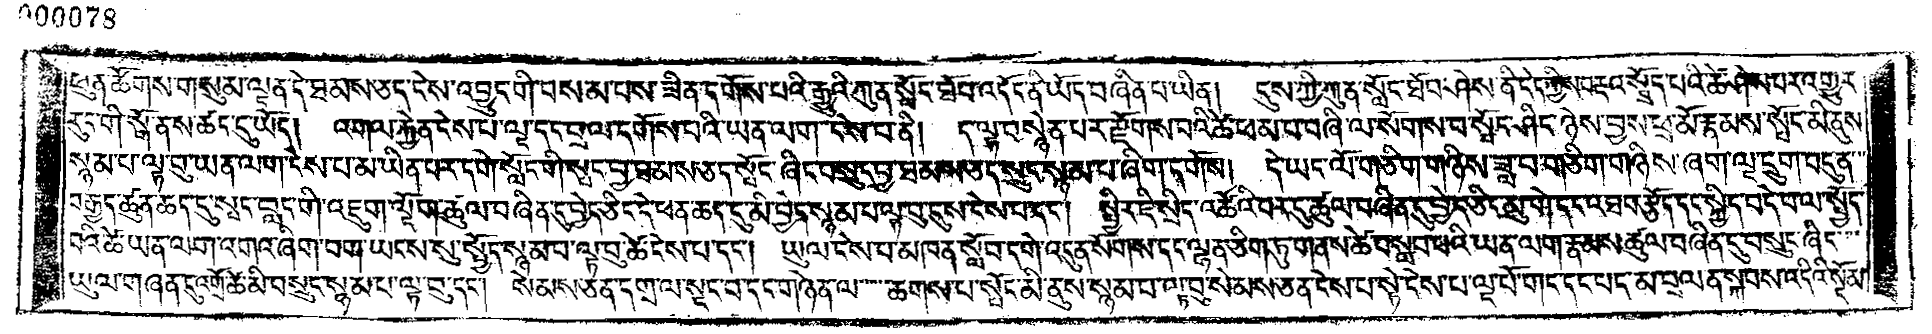ཕུན་ཚོགས་གསུམ་ལྡན་དེ་ཐམས་ཅད་ངེས་འབྱུང་གི་བསམ་པས་ཟིན་དགོས་པའི་རྒྱུའི་ཀུན་སློང་ཐོབ་འདོད་ནི་ཡོད་བཞིན་པ་ཡིན། དུས་ཀྱི་ཀུན་སློང་ཐོབ་ཤེས་ནི་ངེད་ཀྱིས་བརྡའ་སྤྲོད་པའི་ཚེ་ཤེས་པར་འགྱུར་
རུང་གི་སྒོ་ནས་ཚང་དུ་ཡོད། འགལ་རྐྱེན་ངེས་པ་ལྔ་དང་བྲལ་དགོས་པའི་ཡན་ལག་ངེས་པ་ནི། ད་ལྟ་བསྙེན་པར་རྫོགས་པའི་ཚེ་ཕམ་པ་བཞི་ལ་སོགས་བ་སྤོང་ཤིང་ཉེས་བྱས་ཕྲ་མོ་རྣམས་སྤོང་མི་ནུས་
སྙམ་པ་ལྟ་བུ་ཡན་ལག་ངེས་པ་མ་ཡིན་པར་དགེ་སློང་གི་སྤང་བྱ་ཐམས་ཅད་སྤོང་ཞིང་བསྲུང་བྱ་ཐམས་ཅད་སྲུང་སྙམ་པ་ཞིག་དགོས། དེ་ཡང་ལོ་གཅིག་གཉིས་ཟླ་བ་གཅིག་གཉིས་ཞག་ལྔ་དྲུག་བདུན་
བརྒྱད་ཚུན་ཆད་དུ་སྤང་བླང་གི་འཇུག་ལྡོག་ཚུལ་བཞིན་དུ་བྱེད་ཅིང་དེ་ཕན་ཆད་དུ་མི་བྱེད་སྙམ་པ་ལྟ་བུ་དུས་ངེས་པ་དང་། སྤྱིར་ཇི་སྲིད་འཚོའི་བར་དུ་ཚུལ་བཞིན་དུ་བྱེད་ཅིང་མུ་གེ་དང་འཐབ་རྩོད་དང་སྐྱིད་བདེ་བ་ལ་སྤྱོད་
པའི་ཚེ་ཡན་ལག་འགའ་ཞིག་བག་ཡངས་སུ་སྤྱོད་སྙམ་པ་ལྟ་བུ་ཚེ་ངེས་པ་དང་། ཡུལ་ངེས་པ་མཁན་སློབ་དགེ་འདུན་སོགས་དང་ལྷན་ཅིག་ཏུ་གནས་ཚེ་བསླབ་པའི་ཡན་ལག་རྣམས་ཚུལ་བཞིན་དུ་བསྲུང་ཞིང་
ཡུལ་གཞན་དུ་འགྲོ་ཚེ་མི་བསྲུང་སྙམ་པ་ལྟ་བུ་དང་། སེམས་ཅན་དགྲ་ལ་སྡང་བ་དང་གཉེན་ལ་ཆགས་པ་སྤོང་མི་ནུས་སྙམ་པ་ལྟ་བུ་སེམས་ཅན་ངེས་པ་སྟེ་ངེས་པ་ལྔ་པོ་གང་དང་པད་མ་བྲལ་ན་སྐབས་འདིའི་སྡོམ་